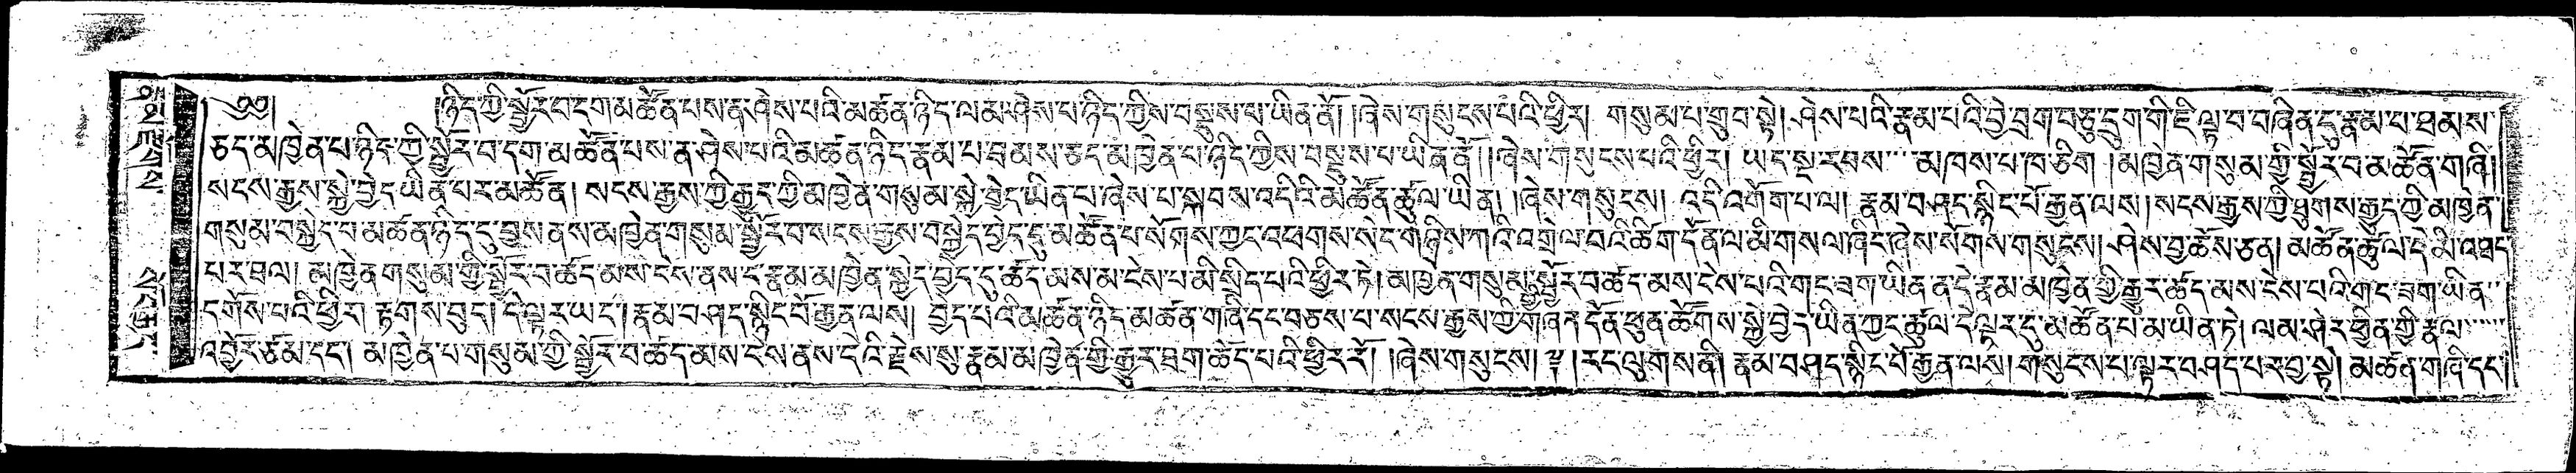༄༅། །ཉིད་ཀྱི་སྦྱོར་བ་དག་མཚོན་པས་ན་ཤེས་པའི་མཚན་ཉིད་ལམ་ཤེས་པ་ཉིད་ཀྱིས་བསྡུས་པ་ཡིན་ནོ། །ཞེས་གསུངས་པའི་ཕྱིར། གསུམ་པ་གྲུབ་སྟེ། ཤེས་པའི་རྣམ་པའི་བྱེ་བྲག་བཅུ་དྲུག་གིས་ཇི་ལྟ་བ་བཞིན་དུ་རྣམ་པ་ཐམས་
ཅད་མཁྱེན་པ་ཉིད་ཀྱི་སྦྱོར་བ་དག་མཚོན་པས་ན་ཤེས་པའི་མཚན་ཉིད་རྣམ་པ་ཐམས་ཅད་མཁྱེན་པ་ཉིད་ཀྱིས་བསྡུས་པ་ཡིན་ནོ། །ཞེས་གསུངས་པའི་ཕྱིར། ཡང་སྔ་རབས་མཁས་པ་ཁ་ཅིག །མཁྱེན་གསུམ་གྱི་སྦྱོར་བ་མཚོན་གཞི།
སངས་རྒྱས་སྐྱེ་བྱེད་ཡིན་པར་མཚོན། སངས་རྒྱས་ཀྱི་རྒྱུད་ཀྱི་མཁྱེན་གསུམ་སྐྱེ་བྱེད་ཡིན་པ་ཞེས་པ་སྐབས་འདིའི་མཚོན་ཚུལ་ཡིན། །ཞེས་གསུངས། འདི་འགོག་པ་ལ། རྣམ་བཤད་སྙིང་པོ་རྒྱན་ལས། སངས་རྒྱས་ཀྱི་ཐུགས་རྒྱུད་ཀྱི་མཁྱེན་
གསུམ་བསྐྱེད་པ་མཚན་ཉིད་དུ་བྱས་ནས་མཁྱེན་གསུམ་སྦྱོར་བ་སངས་རྒྱས་བསྐྱེད་བྱེད་དུ་མཚོན་པ་སོགས་ཀྱང་འཕགས་སེང་གཉིས་ཀའི་འགྲེལ་བའི་ཚིག་དོན་ལ་མི་གསལ་ཞིང་ཞེས་སོགས་གསུངས། ཤེས་བྱ་ཆོས་ཅན། མཚོན་ཚུལ་དེ་མི་འཐད་
པར་ཐལ། མཁྱེན་གསུམ་གྱི་སྦྱོར་བ་ཚད་མས་ངེས་ནས་དེ་རྣམ་མཁྱེན་སྐྱེད་བྱེད་དུ་ཚད་མས་མ་ངེས་པ་མི་སྲིད་པའི་ཕྱིར་ཏེ། མཁྱེན་གསུམ་གྱི་སྦྱོར་བ་ཚད་མས་ངེས་པའི་གང་ཟག་ཡིན་ན་དེ་རྣམ་མཁྱེན་གྱི་རྒྱུར་ཚད་མས་ངེས་པའི་གང་ཟག་ཡིན་
དགོས་པའི་ཕྱིར། རྟགས་བུད། དེ་ལྟར་ཡང་། རྣམ་བཤད་སྙིང་པོ་རྒྱན་ལས། བྱེད་པའི་མཚན་ཉིད་མཚན་གཞི་དང་བཅས་པ་སངས་རྒྱས་ཀྱི་གཞན་དོན་ཕུན་ཚོགས་སྐྱེ་བྱེད་ཡིན་ཀྱང་ཚུལ་དེ་ལྟར་དུ་མཚོན་པ་མ་ཡིན་ཏེ། ལམ་ཤེར་ཕྱིན་གྱི་རྣལ་
འབྱོར་ཙམ་དང་། མཁྱེན་པ་གསུམ་གྱི་སྦྱོར་བ་ཚད་མས་ངེས་ནས་དེའི་རྗེས་སུ་རྣམ་མཁྱེན་གྱི་རྒྱུར་ཐག་ཆོད་པའི་ཕྱིར་རོ། །ཞེས་གསུངས། ༈ །རང་ལུགས་ནི། རྣམ་བཤད་སྙིང་པོ་རྒྱན་ལས། གསུངས་པ་ལྟར་བཤད་པར་བྱ་སྟེ། མཚན་གཞི་དང་།